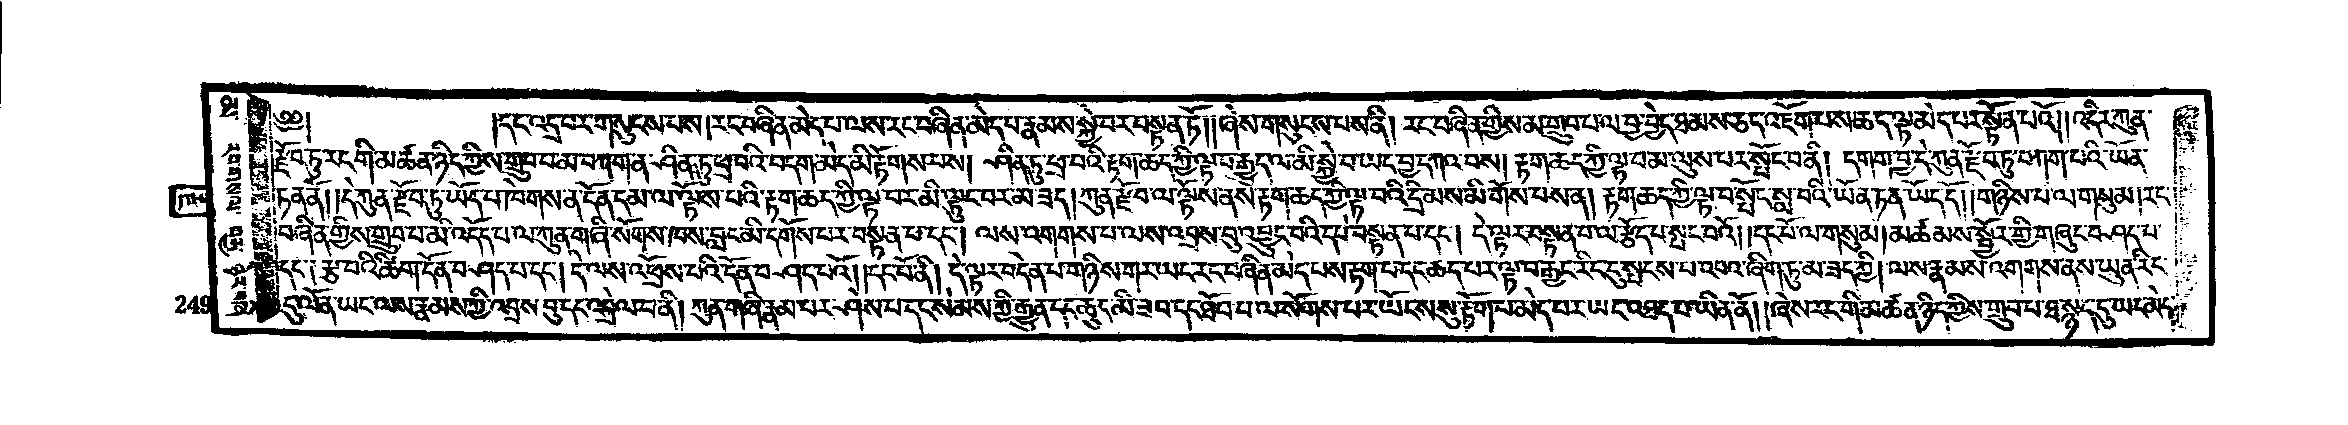༄༅། །འདྲ་བར་གསུངས་པས། རང་བཞིན་མེད་པ་ལས་རང་བཞིན་མེད་པ་རྣམས་སྐྱེ་བར་བསྟན་ཏོ། །ཞེས་གསུངས་པས་ནི། རང་བཞིན་གྱིས་མ་གྲུབ་པ་ལ་བྱ་བྱེད་ཐམས་ཅད་འཇོག་པས་ཆད་ལྟ་མེད་པར་སྟོན་པའོ། །འདིར་ཀུན་
རྫོབ་ཏུ་རང་གི་མཚན་ཉིད་ཀྱིས་གྲུབ་པ་མ་བཀག་ན་ཤིན་ཏུ་ཕྲ་བའི་བདག་མེད་མི་རྟོགས་པས། ཤིན་ཏུ་ཕྲ་བའི་རྟག་ཆད་ཀྱི་ལྟ་བ་རྒྱུད་ལ་མི་སྐྱེ་བ་ཡང་བྱ་དཀའ་བས། རྟག་ཆད་ཀྱི་ལྟ་བ་མ་ལུས་པར་སྤོང་བ་ནི། དགག་བྱ་དེ་ཀུན་རྫོབ་ཏུ་བཀག་པའི་ཡོན་
ཏན་ནོ། །དེ་ཀུན་རྫོབ་ཏུ་ཡོད་པ་ཁེགས་ན་དོན་དམ་ལ་ལྟོས་པའི་རྟག་ཆད་ཀྱི་ལྟ་བར་མི་ལྟུང་བར་མ་ཟད། ཀུན་རྫོབ་ལ་ལྟོས་ནས་རྟག་ཆད་ཀྱི་ལྟ་བའི་དྲི་མས་མི་གོས་པས་ན། རྟག་ཆད་ཀྱི་ལྟ་བ་སྤོང་སླ་བའི་ཡོན་ཏན་ཡོད་དོ། །གཉིས་པ་ལ་གསུམ། རང་
བཞིན་གྱིས་གྲུབ་པ་མི་འདོད་པ་ལ་ཀུན་གཞི་སོགས་ཁས་བླང་མི་དགོས་པར་བསྟན་པ་དང་། ལས་འགགས་པ་ལས་འབྲས་བུ་འབྱུང་བའི་དཔེ་བསྟན་པ་དང་། དེ་ལྟར་བསྟན་པ་ལ་རྩོད་པ་སྤང་པའོ། །དང་པོ་ལ་གསུམ། མཚམས་སྦྱོར་གྱི་གཞུང་བཤད་པ་
དང་། རྩ་བའི་ཚིག་དོན་བཤད་པ་དང་། དེ་ལས་འཕྲོས་པའི་དོན་བཤད་པའོ། །དང་པོ་ནི། དེ་ལྟར་བདེན་པ་གཉིས་གར་ཡང་རང་བཞིན་མེད་པས་རྟག་པ་དང་ཆད་པར་ལྟ་བ་རྒྱང་རིང་དུ་སྤངས་པ་འབའ་ཞིག་ཏུ་མ་ཟད་ཀྱི། ལས་རྣམས་འགགས་ནས་ཡུན་རིང་
དུ་ལོན་ཡང་ལས་རྣམས་ཀྱི་འབྲས་བུ་དང་འབྲེལ་བ་ནི། ཀུན་གཞི་རྣམ་པར་ཤེས་པ་དང་སེམས་ཀྱི་རྒྱུན་དང་ཆུང་མི་ཟབ་དང་ཐོབ་པ་ལ་སོགས་པར་ཡོངས་སུ་རྟོག་པ་མེད་པར་ཡང་འཐད་པ་ཡིན་ནོ། །ཞེས་རང་གི་མཚན་ཉིད་ཀྱིས་གྲུབ་པ་ཐ་སྙད་དུ་ཡང་མེད་